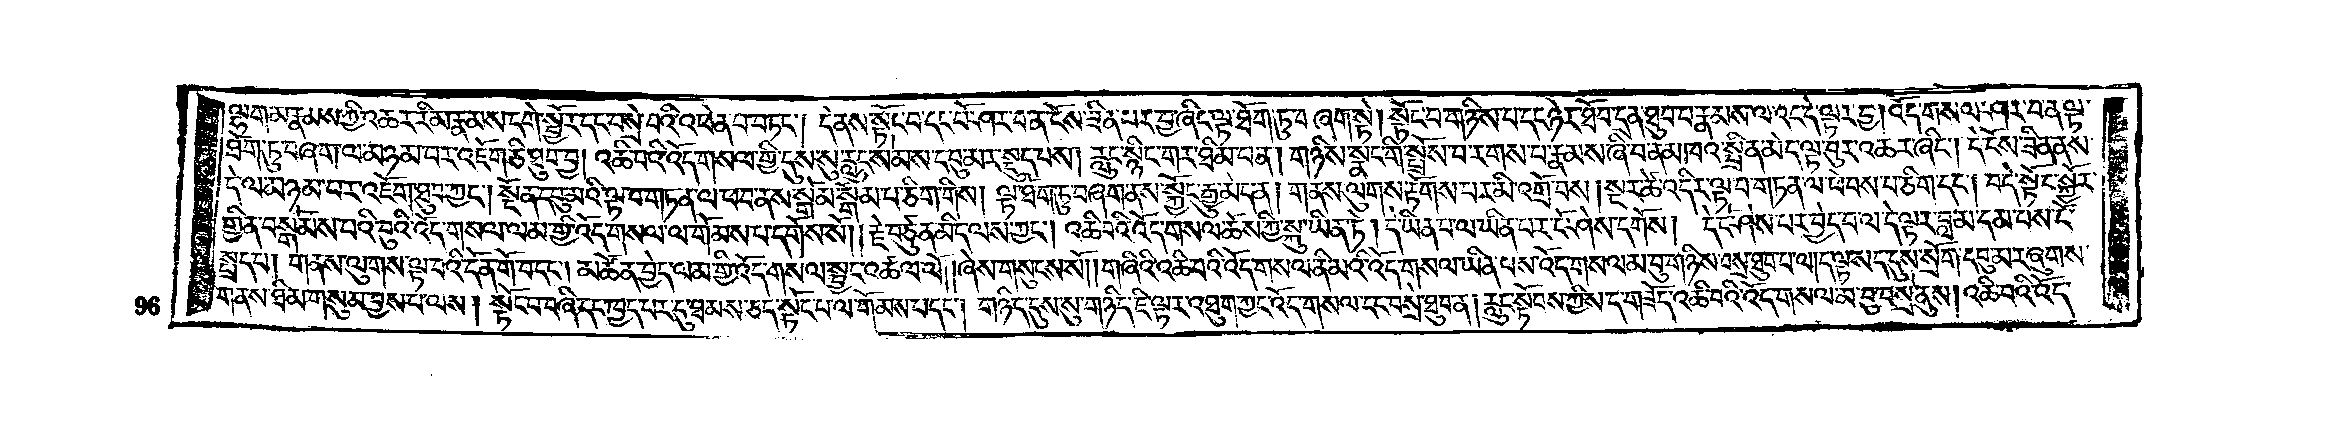ལྷག་མ་རྣམས་ཀྱི་འཆར་རིམ་རྣམས་དགེ་སྦྱོར་དང་བསྲེ་བའི་འཕེན་པ་བཏང་། དེ་ནས་སྟོང་པ་དང་པོ་ཤར་བ་ན་ངོས་ཟིན་པར་བྱ་ཞིང་ལྟ་ཐོག་ཏུ་བཞག་སྟེ། སྟོང་པ་གཉིས་པ་དང་ཉེར་ཐོབ་དྲན་ཐུབ་པ་རྣམས་ལའང་དེ་ལྟར་བྱ། འོད་གསལ་ཤར་བ་ན་ལྟ་
ཐོག་ཏུ་བཞག་ལ་མཉམ་པར་འཇོག་ཅི་ཐུབ་བྱ། འཆི་བའི་འོད་གསལ་གྱི་དུས་སུ་རླུང་སེམས་དབུ་མར་སྡུད་པས། རླུང་སྙིང་གར་ཐིམ་པ་ན། གཉིས་སྣང་གི་སྤྲོས་པ་རགས་པ་རྣམས་ཞི་བ་ནམ་མཁའ་སྤྲིན་མེད་ལྟ་བུར་འཆར་ཞིང་། དེ་ངོས་ཟིན་ནས་
དེ་ལ་མཉམ་པར་འཇོག་ཐུབ་ཀྱང་། སྔོན་དབུ་མའི་ལྟ་བ་གཏན་ལ་ཕབ་ནས་སྒོམ་སྒོམ་པ་ཅིག་གིས། ལྟ་ཐོག་ཏུ་བཞག་ནས་སྐྱོང་རྒྱུ་མེད་ན། གནས་ལུགས་རྟོགས་པར་མི་འགྲོ་བས། སྔར་ཚེ་འདིར་ལྟ་བ་གཏན་ལ་ཕེབས་པ་ཅིག་དང་། བདེ་སྟོང་སྦྱོར་
གྱིན་བསྒོམས་པའི་བུའི་འོད་གསལ་ལམ་གྱི་འོད་གསལ་ལ་གོམས་པ་དགོས་སོ། །རྗེ་བཙུན་མིད་ལས་ཀྱང་། འཆི་བའི་འོད་གསལ་ཆོས་ཀྱི་སྐུ་ཡིན་ཏེ། དེ་ཡིན་པ་ལ་ཡིན་པར་ངོ་ཤེས་དགོས། དེ་ངོ་ཤེས་པར་བྱེད་བ་ལ་དེ་ལྟར་བླ་མ་དམ་པས་ངོ་
སྤྲད་པ། གནས་ལུགས་ལྟ་བའི་དོན་གོ་བ་དང་། མཚོན་བྱེད་ལམ་གྱི་འོད་གསལ་སྦྱང་འཚལ་ལོ། །ཞེས་གསུངས་སོ། །གཞིའི་འཆི་བའི་འོད་གསལ་ནི་མའི་འོད་གསལ་ཡིན་པས་འོད་གསལ་མ་བུ་གཉིས་བསྲེ་ཐུབ་པ་ལ། ད་ལྟ་སད་དུས་སྲོག་དབུ་མར་ཞུགས་
གནས་ཐིམ་གསུམ་བྱས་པ་ལས། སྟོང་པ་བཞི་དང་ཁྱད་པར་དུ་ཐམས་ཅད་སྟོང་པ་ལ་གོམས་པ་དང་། གཉིད་དུས་སུ་གཉིད་ཇི་ལྟར་འཐུག་ཀྱང་འོད་གསལ་དང་བསྲེ་ཐུབ་ན། རླུང་སྟོབས་ཀྱིས་ད་གཟོད་འཆི་བའི་འོད་གསལ་མ་བུ་བསྲེ་ནུས། འཆི་བའི་འོད་